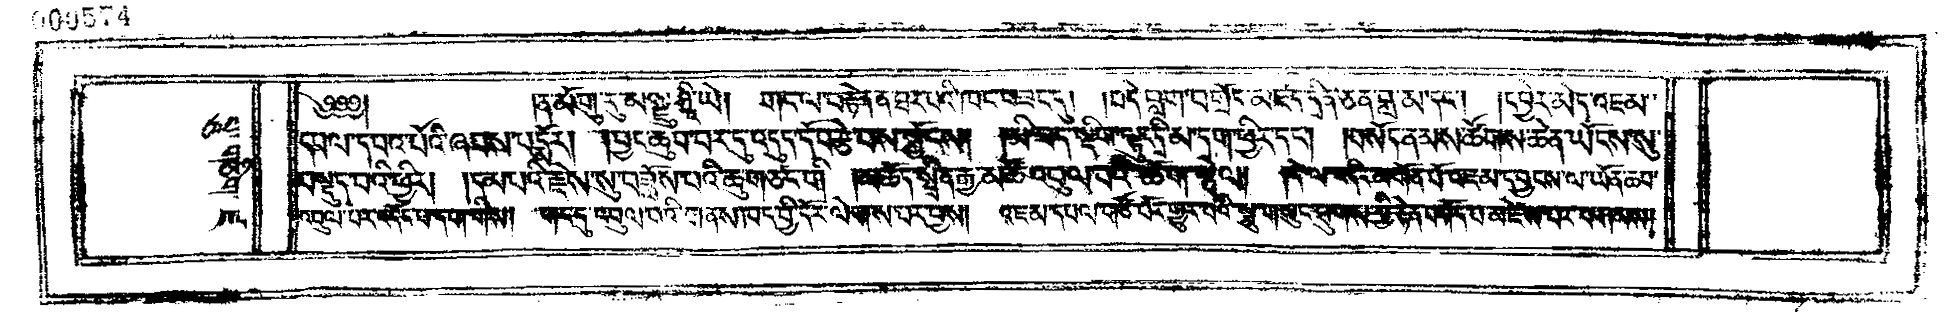༄༅༅། །ན་མོ་གུ་རུ་མཉྫུ་ཤྲཱི་ཡེ། གང་ལ་བརྟེན་ན་ཐར་པའི་ཁང་བཟང་དུ། །བདེ་བླག་བགྲོད་མཛད་དྲིན་ཅན་བླ་མ་དང་། །དབྱེར་མེད་འཇམ་
དཔལ་དཔའ་པོའི་ཞབས་པདམོར། །བྱང་ཆུབ་བར་དུ་འདུད་དོ་བརྩེ་བས་སྐྱོངས། །མི་ཟད་སྡིག་ལྟུང་དྲི་མ་དག་ཕྱིར་དང་། །བསོད་ནམས་ཚོགས་ཆེན་ཡོངས་སུ་
བསྡུད་པའི་ཕྱིར། །དམ་པའི་རྗེས་སུ་བཟློས་པའི་ཆུ་གཙང་གི །མཆོད་སྤྲིན་རྒྱ་མཚོ་འབུལ་བའི་ཆོ་ག་སྤེལ། །དེ་ལ་འདིར་མགོན་པོ་འཇམ་དབྱངས་ལ་ཡོན་ཆབ་
འབུལ་བར་འདོད་པ་དག་གིས། གང་དུ་འབུལ་བའི་གནས་ཁང་བྱི་དོར་ལེགས་པར་བྱས། འཇམ་དཔལ་གཙོ་བོར་གྱུར་བའི་སྐུ་གསུང་ཐུགས་ཀྱི་རྟེན་བཀོད་པ་མཛེས་པར་བཤམས།